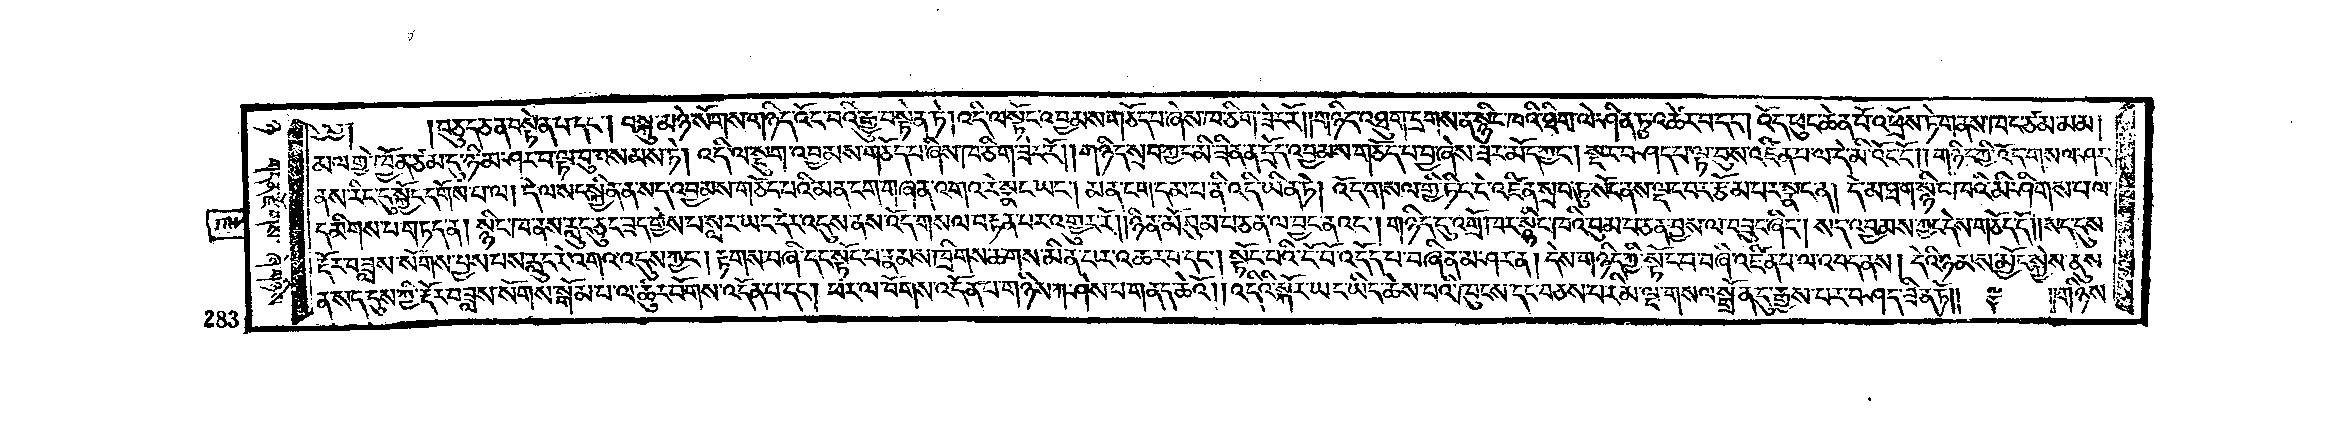༄༅། །བཅུད་ཅན་བསྟེན་པ་དང་། བསྐུ་མཉེ་སོགས་གཉིད་འོང་བའི་རྒྱུ་བསྟེན་ཏེ། འདི་ལ་སྟོང་འབྱམས་གཅོད་པ་ཞེས་ཁ་ཅིག་ཟེར་རོ། །གཉིད་འཐུག་དྲགས་ན་སྙིང་ཁའི་ཐིག་ལེ་ཤིན་ཏུ་འཚེར་བ་དང་། འོད་ཕུང་ཆེན་པོ་འཕྲོས་ཏེ་གནས་ཁང་ཙམ་མམ།
མལ་གྱེ་ཁྱོན་ཙམ་དུ་ཉི་མ་ཤར་བ་ལྟ་བུ་བསམས་ཏེ། འདི་ལ་སྡུག་འབྱམས་གཅོད་པ་ཞེས་ཁ་ཅིག་ཟེར་རོ། །གཉིད་སྲབ་ཀྱང་མི་ཟིན་ན་དྲོད་འབྱམས་གཅོད་པ་བྱ་ཞེས་ཟེར་མོད་ཀྱང་། སྔར་བཤད་པ་ལྟ་བུས་འཛིན་པ་ལ་དེ་མི་འོང་ངོ། །གཉིད་ཀྱི་འོད་གསལ་ཤར་
ནས་རིང་དུ་སྐྱོང་དགོས་པ་ལ། དེ་ལ་སང་སྐྱིན་ན་སད་འབྱམས་གཅོད་པའི་མན་ངག་གཞན་འགའ་རེ་སྣང་ཡང་། མན་ངག་དམ་པ་ནི་འདི་ཡིན་ཏེ། འོད་གསལ་གྱི་ཏིང་ངེ་འཛིན་སྲབ་ཏུ་སེང་ནས་ལྡང་བར་རྩོམ་པར་སྣང་ན། དེ་མ་ཐག་སྙིང་ཁའི་མི་ཤིགས་པ་ལ་
དམིགས་པ་གཏད་ན། སྙིང་ཁ་ནས་རླུང་ཅུང་ཟད་གྱེས་པ་སླར་ཡང་དེར་འདུས་ནས་འོད་གསལ་བརྟན་པར་འགྱུར་རོ། །ཉིན་མོ་བུམ་པ་ཅན་ལ་བྱང་ནའང་། གཉིད་དུ་འགྲོ་ཁར་སྙིང་ཁའི་བུམ་པ་ཅན་བྱས་ལ་བཟུང་ཞིང་། སད་འབྱམས་ཀྱང་དེས་གཅོད་དོ། །སད་དུས་
རྡོར་བཟླས་སོགས་བྱས་པས་རླུང་རེ་འགའ་འདུས་ཀྱང་། རྟགས་བཞི་དང་སྟོང་པ་རྣམས་ཁྲིགས་ཆགས་མིན་པར་འཆར་བ་དང་། སྟོང་པའི་ངོ་བོ་འདོད་པ་བཞིན་མ་ཤར་ན། དེས་གཉིད་ཀྱི་སྟོང་པ་བཞི་འཛིན་པ་ལ་འབད་ནས། དེའི་ཉམས་མྱོང་སྐྱེས་ནུས་
ན་སད་དུས་ཀྱི་རྡོར་བཟླས་སོགས་སྒོམ་པ་ལ་ཚུར་བོགས་འདོན་པ་དང་། ཕར་ལ་བོགས་འདོན་པ་གཉིས་ཀ་ཤེས་པ་གནད་ཆེའོ། །འདིའི་སྐོར་ཡང་ཡིད་ཆེས་པའི་ཁུངས་དང་བཅས་པ་རིམ་ལྔ་གསལ་སྒྲོན་དུ་རྒྱས་པར་བཤད་ཟིན་ཏོ།། ༈ །།གཉིས་